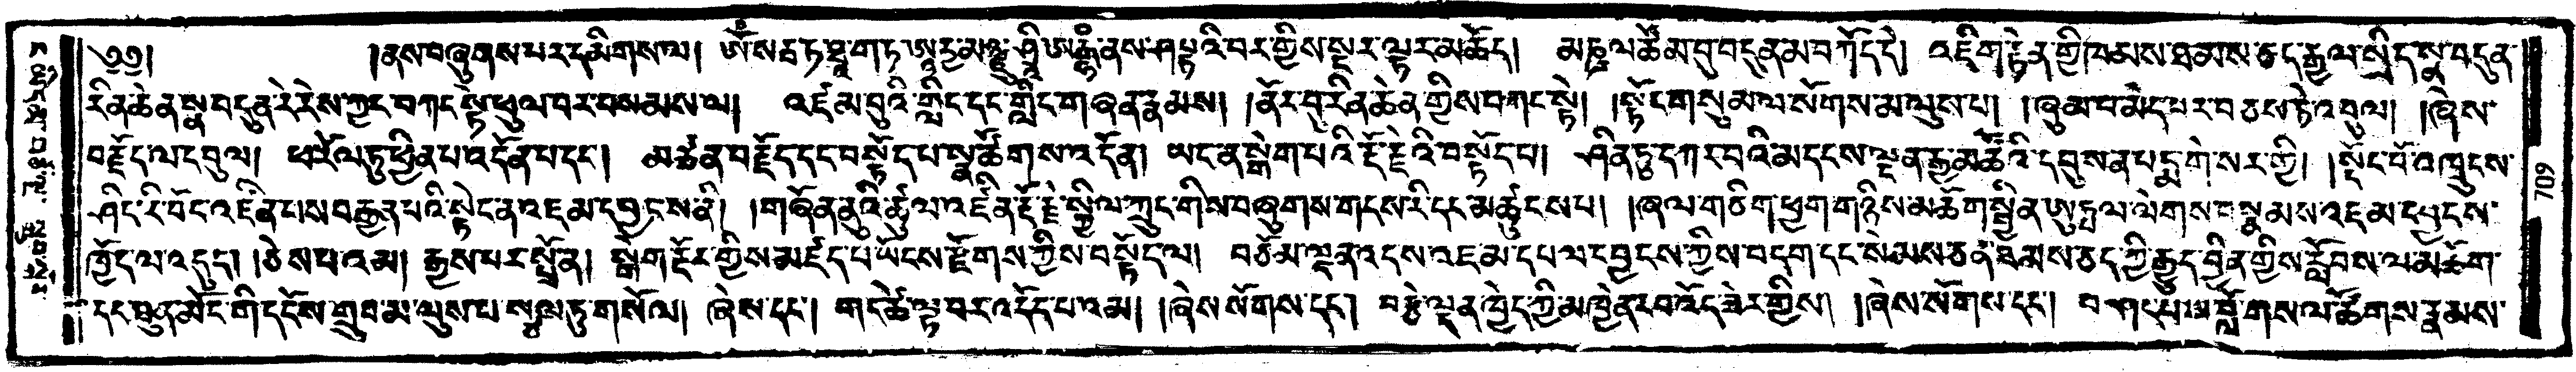༄༅། །ནས་བཞུགས་པར་དམིགས་ལ། ཨོཾ་སརྦ་ཏ་ཐཱ་ག་ཏ་ཨྲྱཱ་མ་ཉྫུ་ཤྲཱི་ཨརྒྷཾ་ནས་ཤཔྟའི་བར་གྱིས་སྔར་ལྟར་མཆོད། མཎྜལ་ཚོམ་བུ་བདུན་མ་བཀོད་དེ། འཇིག་རྟེན་གྱི་ཁམས་ཐམས་ཅད་རྒྱལ་སྲིད་སྣ་བདུན་
རིན་ཆེན་སྣ་བདུན་རེ་རེས་ཀྱང་བཀང་སྟེ་ཕུལ་བར་བསམས་ལ། འཛམ་བུའི་གླིང་དང་གླིང་གཞན་རྣམས། །ནོར་བུ་རིན་ཆེན་གྱིས་བཀང་སྟེ། །སྟོང་གསུམ་ལ་སོགས་མ་ལུས་པ། །ཞུམ་པ་མེད་པར་བཅས་ཏེ་འབུལ། །ཞེས་
བརྗོད་ལ་དབུལ། ཕ་རོལ་ཏུ་ཕྱིན་པ་འདོན་པ་དང་། མཚན་བརྗོད་དང་བསྟོད་པ་སྣ་ཚོགས་འདོན། ཡང་ན་སྒེག་པའི་རྡོ་རྗེའི་བསྟོད་པ། ཤིན་ཏུ་དཀར་བའི་མདངས་ལྡན་རྒྱ་མཚོའི་དབུས་ན་པདམ་གེ་སར་གྱི། །སྡོང་པོ་འཁྲུངས་
ཤིང་རི་བོང་འཛིན་པས་བརྒྱན་བའི་སྟེང་ན་འཇམ་དབྱངས་ནི། །གཞོན་ནུའི་ཚུལ་འཛིན་རྡོ་རྗེ་སྐྱིལ་ཀྲུང་གིས་བཞུགས་གངས་རི་དང་མཚུངས་པ། །ཞལ་གཅིག་ཕྱག་གཉིས་མཆོག་སྦྱིན་ཨུཏྤལ་ལེགས་བསྣམས་འཇམ་དབྱངས་
ཁྱོད་ལ་འདུད། །ཅེས་པའམ། རྒྱས་པར་སྤྲོ་ན། སྒེག་རྔོར་གྱིས་མཛད་པ་ཡོངས་རྫོགས་ཀྱིས་བསྟོད་ལ། བཅོམ་ལྡན་འདས་འཇམ་དཔལ་དབྱངས་ཀྱིས་བདག་དང་སེམས་ཅན་ཐམས་ཅད་ཀྱི་རྒྱུད་བྱིན་གྱིས་རློབས་ལ་མཆོག་
དང་ཐུན་མོང་གི་དངོས་གྲུབ་མ་ལུས་པ་སྩལ་ཏུ་གསོལ། ཞེས་དང་། གང་ཚེ་ལྟ་བར་འདོད་པ་འམ། །ཞེས་སོགས་དང་། བརྩེ་ལྡན་ཁྱེད་ཀྱི་མཁྱེན་རབ་འོད་ཟེར་གྱིས། །ཞེས་སོགས་དང་། བཤད་པས་བློ་གསལ་ཚོགས་རྣམས་